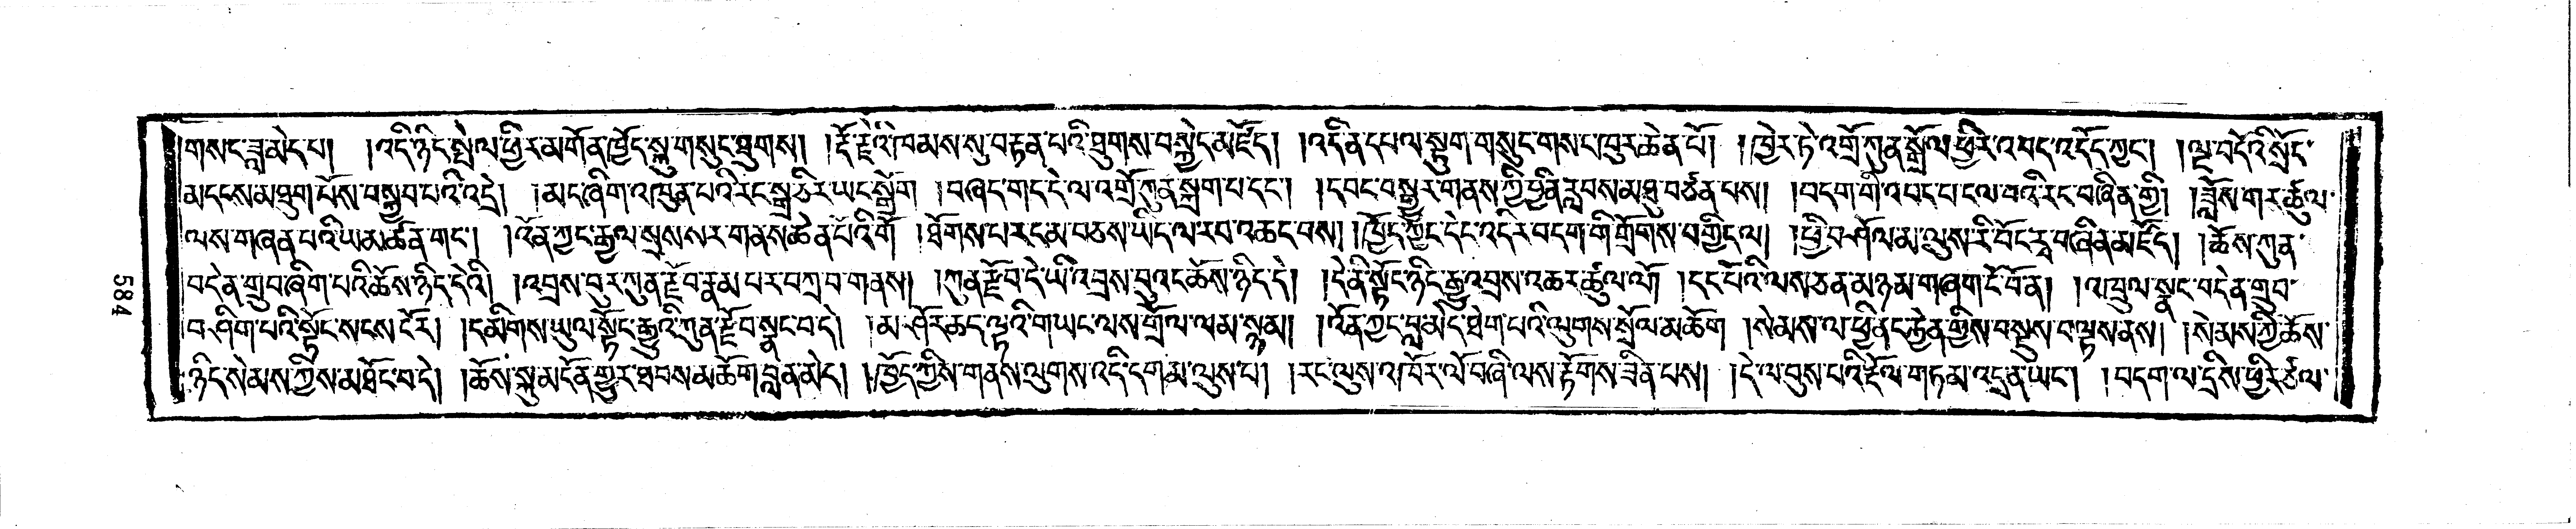གསང་ཟླ་མེད་པ། །འདི་ཉིད་སྤེལ་ཕྱིར་མགོན་ཁྱོད་སྐུ་གསུང་ཐུགས། །རྡོ་རྗེའི་ཁམས་སུ་བརྟན་པའི་ཐུགས་བསྐྱེད་མཛོད། །འདི་ན་དཔལ་སྟུག་གསུང་གསང་ཁུར་ཆེན་པོ། །ཁྱེར་ཏེ་འགྲོ་ཀུན་སྒྲོལ་ཕྱིར་འབད་འདོད་ཀྱང་། །ལྔ་བདེའི་སྲོང་
མདངས་མཐུག་པོས་བསྐྱབ་པའི་འདྲེ། །མང་ཞིག་འཁུན་པའི་རང་སྒྲ་ཅིར་ཡང་སྒྲོག །བཞད་གང་དེ་ལ་འགྲོ་ཀུན་སྐྲག་པ་དང་། །དབང་བསྒྱུར་གནས་ཀྱི་བྱིན་རླབས་མཐུ་བཙན་པས། །བདག་གི་འབད་པ་ངལ་བའི་རང་བཞིན་གྱི། །ཟློས་གར་ཚུལ་
ལས་གཞན་པའི་ཡ་མཚན་གང་། །འོན་ཀྱང་རྒྱལ་སྲས་སར་གནས་ཆེན་པོའི་གོ །ཐོགས་པ་རང་མ་བཅས་ཡིད་ལ་རབ་འཆང་བས། །ཁྱོད་ཀྱང་དེང་འདིར་བདག་གི་གྲོགས་བགྱིད་ལ། །ཕྱི་བཤོལ་མ་ལུས་རི་བོང་རྭ་བཞིན་མཛོད། །ཆོས་ཀུན་
བདེན་གྲུབ་ཞིག་པའི་ཆོས་ཉིད་དེའི། །འབྲས་བུར་ཀུན་རྫོབ་རྣམ་པར་བཀྲ་བ་གནས། །ཀུན་རྫོབ་དེ་ཡི་འབྲས་བུའང་ཆོས་ཉིད་དེ། །དེ་ནི་སྟོང་ཉིད་རྒྱུ་འབྲས་འཆར་ཚུལ་ལོ། །དང་པོའི་ལས་ཅན་མཉམ་གཞག་ངོ་བོ་ན། །འཁྲུལ་སྣང་བདེན་གྲུབ་
བཤིག་པའི་སྟོང་སངས་ངོར། །དམིགས་ཡུལ་སྟོང་རྒྱུའི་ཀུན་རྫོབ་སྣང་བ་དེ། །མ་ཤོར་ཆད་ལྷའི་གཡང་ལས་གྲོལ་ལམ་སྙམ། །འོན་ཀྱང་བླ་མེད་ཐེག་པའི་ལུགས་སྲོལ་མཆོག །སེམས་ལ་ཕྱི་ནང་རྐྱེན་གྱིས་བསྡུས་བལྟས་ནས། །སེམས་ཀྱི་ཆོས་
ཉིད་སེམས་ཀྱིས་མཐོང་བ་དེ། །ཆོས་སྐུ་མངོན་གྱུར་ཐབས་མཆོག་བླ་ན་མེད། །ཁྱོད་ཀྱིས་གནས་ལུགས་འདི་དག་མ་ལུས་པ། །རང་ལུས་འཁོར་ལོ་བཞི་ལས་རྟོགས་ཟིན་པས། །དེ་ལ་བུས་པའི་རྡོལ་གཏམ་འདྲ་ན་ཡང་། །བདག་ལ་དྲིས་ཕྱིར་ཙལ་